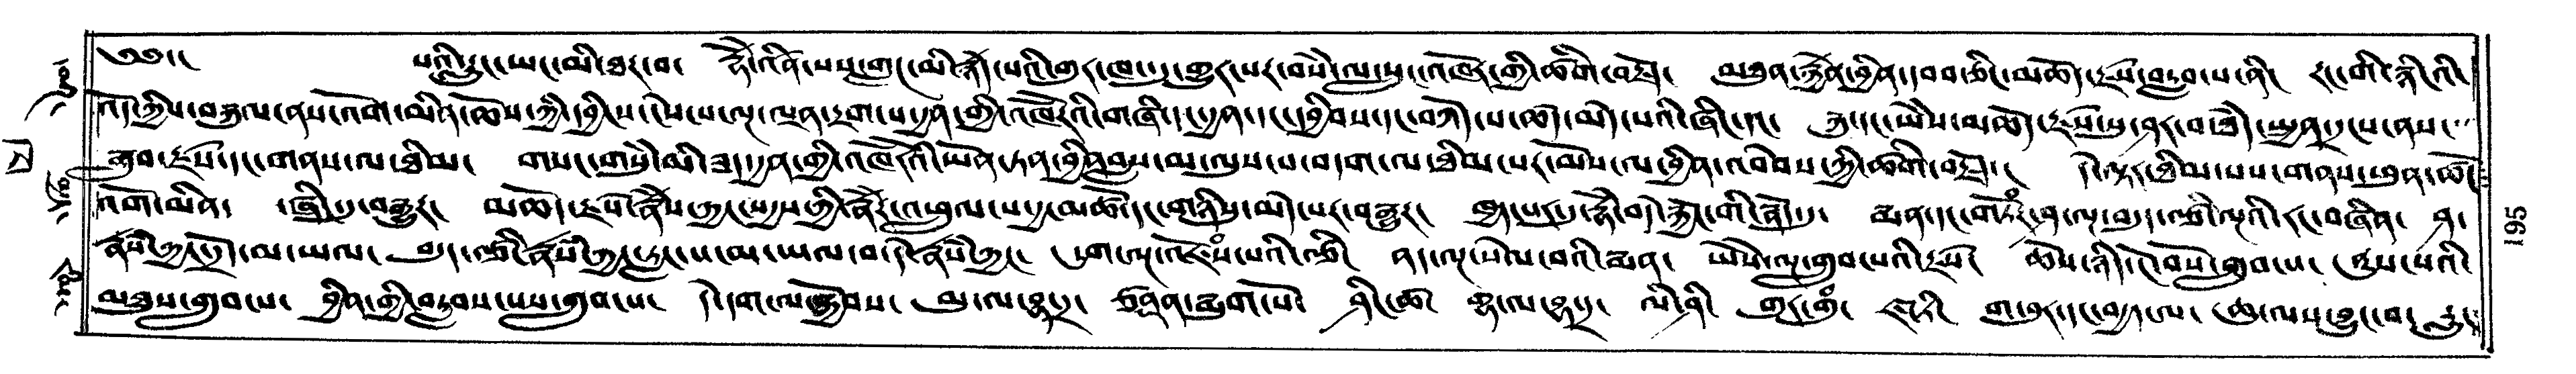པའི་རླུང་ཡང་མི་ཐར་བ། རྡོ་རྗེ་འཛིན་པས་གླགས་མི་རྙེད་པའི་གུར་ཁང་དུ་གྱུར་པར་བསམ་ལ་སྲུང་འཁོར་གྱི་ཚིག་བརྗོད། མཐུན་རྐྱེན་བྱིན་དབབ་ཅིང་མཆོད་རྫས་བརླབ་པ་ནི། རང་གི་སྙིང་གའི་
འོད་ཀྱིས་བསྐུལ་ནས་འོག་མིན་ཆོས་ཀྱི་དབྱིངས་ངེས་པ་ལྔ་ལྡན་རྟག་པ་རྒྱན་གྱི་འཁོར་ལོའི་གཞི་དང་རྒྱན་དང་དབྱིབས་དང་བཀོད་པ་ཚད་མེད་པའི་ཞིང་དང་། སྐུ་དང་ཡེ་ཤེས་མཆོད་རྫས་སུ་ཤར་བ་ཐམས་ཅད་སྤྱན་དྲངས་ནས་
སྒྲུབ་རྫས་དང་གནས་ལ་ཐིམ། གསང་གསུམ་མི་ཟད་རྒྱན་གྱི་འཁོར་ལོའི་ཡོན་ཏན་དང་བྱིན་རླབས་མ་ལུས་པ་བདག་ལ་ཐིམ་པར་མོས་ལ་བྱིན་འབེབས་ཀྱི་ཚིག་བརྗོད། དེ་ལྟར་ཐིམ་པས་གནས་ཕུན་ཚོགས་
འོག་མིན་ ཞིང་དུ་བསྒྱུར། མཆོད་རྫས་རྣམས་ཀྱང་སངས་རྒྱས་ཀྱི་རྣམ་པར་འཕྲུལ་པ་རྒྱ་མཚོ་དང་གཉིས་སུ་མེད་པར་བསྒྱུར། ཁྱད་པར་དུ་རྡོ་རྗེ་བདེ་སྐྱོང་གི་སྣོད་དུ། སྨན་དང་གཏོར་མ་ཤ་ལྔ་བདུད་རྩི་ལྔའི་རང་བཞིན། ཤ་
རྣམས་ཀྱང་དྲོད་མ་ཡལ། བདུད་རྩི་རྣམས་ཀྱང་རླངས་པ་མ་ཡལ་བ། དེ་རྣམས་ཀྱང་དུག་ལྔ་འཇོམས་པའི་རྩི། ནད་ལྔ་སེལ་བའི་སྨན། ཡེ་ཤེས་ལྔ་གྲུབ་པའི་རྫས། ཆོས་ཉིད་ངོ་བོས་གྲུབ་པ། ནུས་པའི་
མཐུས་གྲུབ་པ། བྱིན་གྱིས་བརླབས་པས་གྲུབ་པ། དེ་དག་ལ་སྐྱོབ། མུ་ལ་བྷ་དྲ། ཙནྡན་སྨུག་པོ། ཤིང་ཚ། གྷ་ལ་བྷ་དྲ། ལི་ཤི། གུར་གུཾ། ཛཱ་ཏི། ག་བུར་དང་བརྒྱད་ལ། ཆུ་ལས་བྱུང་བ། རླུང་